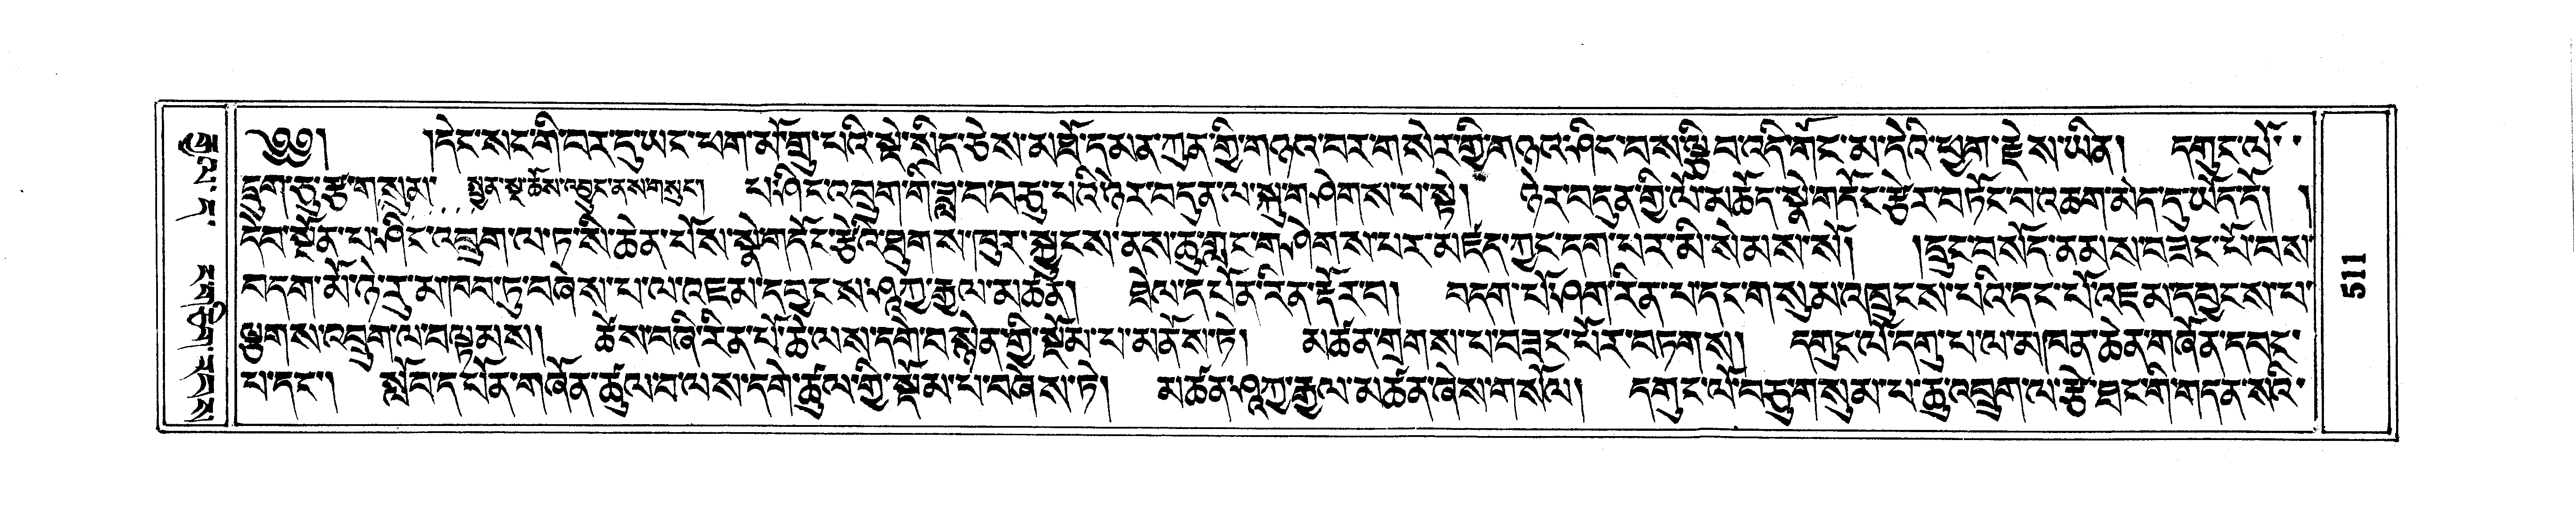༄༅། །དེང་སང་གི་བར་དུ་ཡང་ཕག་མོ་གྲུ་པའི་སྡེ་སྲིད་ཅེས་མཐོ་དམན་ཀུན་གྱི་གཉའ་བར་གསེར་གྱི་གཉའ་ཤིང་བས་ལྕི་བ་འདི་གོང་མ་དེའི་ཕྱག་རྗེས་ཡིན། དགུང་ལོ་
དྲུག་ཅུ་རྩ་གསུམ་སྤྱན་སྔ་ཆོས་འབྱུང་ནས་གསུང་།  པ་ཤིང་འབྲུག་གི་ཟླ་བ་བཅུ་པའི་ཉེར་བདུན་ལ་སྐུ་གཤེགས་པ་སྟེ། ཉེར་འདུན་གྱི་ལོ་མཆོད་སྣེ་གདོང་རྩེར་བཏོང་བ་འཆག་མེད་དུ་ཡོད་དོ། །
དེབ་སྔོན་པ་ཤིང་འབྲུག་ལ་ཏ་སི་ཆེན་པོས་སྣེ་གདོང་རྩེའི་ཐུགས་ཁུར་སྐྱུངས་ནས་ཆུ་གླང་གཤེགས་པར་མཛད་ཀྱང་དག་པར་མི་སེམས་སོ། །དྲུང་བསོད་ནམས་བཟང་པོ་བས་
བདག་མོ་ཉེ་རུ་མ་ཁབ་ཏུ་བཞེས་པ་ལ་འཇམ་དབྱངས་ཤཱཀྱ་རྒྱལ་མཚན། ཐེལ་དཔོན་རིན་རྡོར་བ། བདག་པོ་ཤག་རིན་པོ་དང་གསུམ་འཁྲུངས་པའི་དང་པོ་འཇམ་དབྱངས་པ་
ལྕགས་འབྲུག་ལ་བལྟམས། ཚེས་བཞི་རིན་པོ་ཆེ་ལས་དགེ་བསྙེན་གྱི་སྡོམ་པ་མནོས་ཏེ། མཚན་གྲགས་པ་བཟང་པོར་བཏགས། དགུང་ལོ་དགུ་པ་ལ་མཁན་ཆེན་གཞོན་དབང་
པ་དང་། སློབ་དཔོན་གཞོན་ཚུལ་བ་ལས་དགེ་ཚུལ་གྱི་སྡོམ་པ་བཞེས་ཏེ། མཚན་ཤཱཀྱ་རྒྱལ་མཚན་ཞེས་གསོལ། དགུང་ལོ་བཅུ་གསུམ་པ་ཆུ་འབྲུག་ལ་རྩེ་ཐང་གི་གདན་སའི་